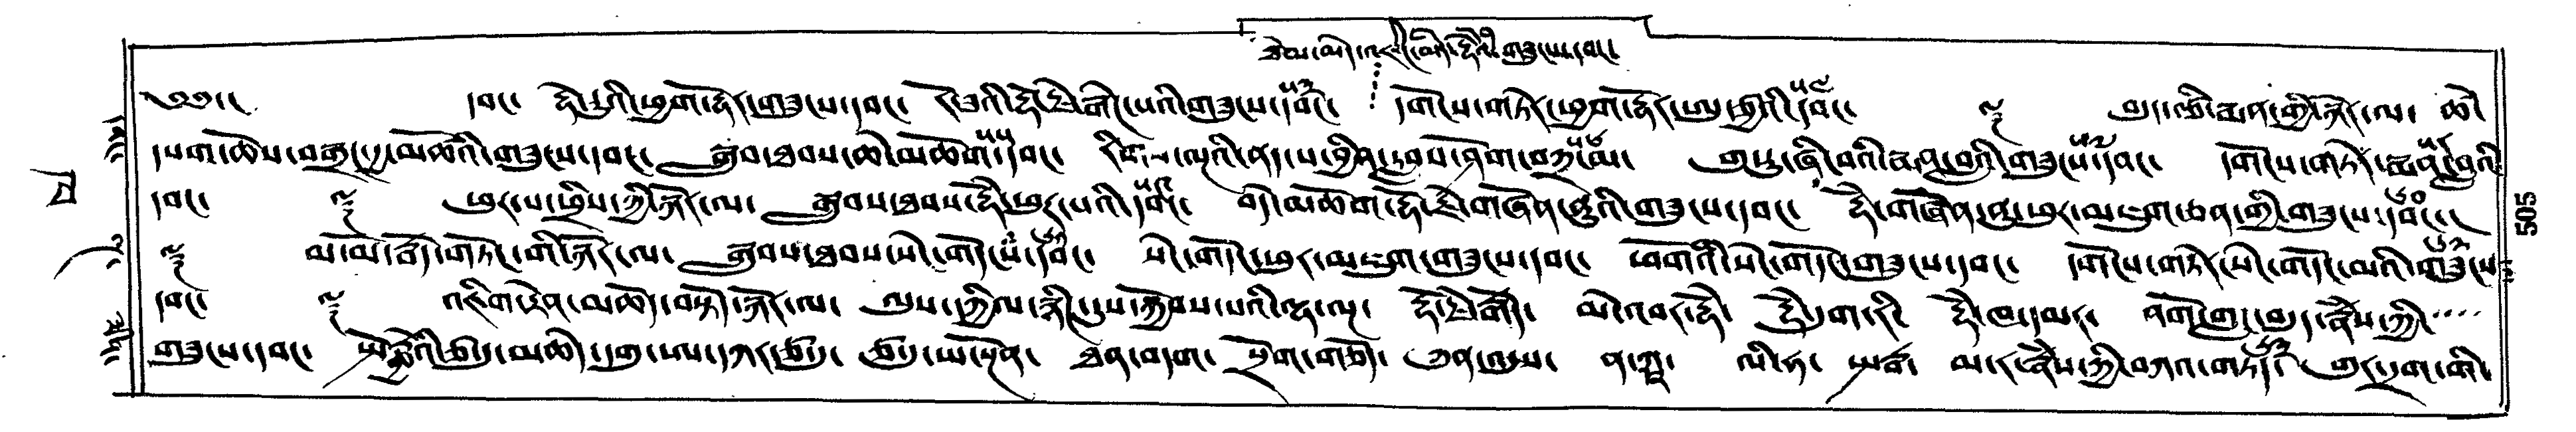དབང་། དྷེ་རུའི་ཕྱག་རྡོར་གཟུངས་དབང་། རོ་ཟའི་རྡོ་རྗེ་སྒེག་པའི་གཟུངས་དབང་༥༣། ཐེམ་མེད་འཇིགས་མེད་རྡོ་རྗེའི་གཟུངས་དབང་། དགོངས་གཏེར་ཕྱག་རྡོར་ཨུ་ཙ་ཡའི་དབང་༥༤། ༈ བདུད་རྩི་སྨན་གྱི་སྐོར་ལ། ཚེ་
དཔག་ཆོས་བསྒྲགས་རྒྱ་མཚོའི་གཟུངས་དབང་། སྒྲུབ་ཐབས་ཆེ་མཆོག་དབང་༥༥། རིགས་ལྔའི་ནད་པ་བྱིན་རླབས་ཤོག་བཀྲ་མ༥༦། གུ་རུ་ཞི་བའི་སྨན་བླའི་གཟུངས་དབང་༥༦། དགོངས་གཏེར་སྨན་༥༨བླའི་
དབང་། ༈ ཕུར་པ་ཕྲིན་ལས་ཀྱི་སྐོར་ལ། སྒྲུབ་ཐབས་རྡོ་རྗེ་ཕུར་པའི་དབང་༥༩། བདེ་མཆོག་རྡོ་རྗེ་གཞོན་ནུའི་གཟུངས་དབང་། རྡོ་རྗེ་གཞོན་ནུ་ཕུར་མཇུག་ཅན་གྱི་གཟུངས་དབང་༦༠། 
༈ མ་མོ་རྦོད་གཏོང་གི་སྐོར་ལ། སྒྲུབ་ཐབས་སེང་གདོང་དབང་༦༡། སེང་གདོང་ཕུར་མཇུག་གཟུངས་དབང་། ཕག་མོའི་སེང་གདོང་གཟུངས་དབང་། དགོངས་གཏེར་སེང་གདོང་མའི་གཟུངས་
དབང་། ༈ འཇིག་རྟེན་མཆོད་བསྟོད་སྐོར་ལ། ལུས་དཀྱིལ་སྙིགས་དུས་སྐྱོབས་པའི་ལྷ་ལྔ་། རྡོ་རྗེ་རྒོད། མེ་འབར་རྡོ་རྗེ། རྡོ་རྗེ་དུག་རི། རྡོ་རྗེ་ཁ་དམར། ནག་པོ་གླང་བདུད་རྣམས་ཀྱི་
གཟུངས་དབང་། པོརྞཻཡའི(?)་རྩ་དུ་མཆེད་དགུ་ཨ་དཀར་ཙ་དུ། ཙ་དུ་ཡ་སྔོན། ཐན་བདག སྲེག་གཅོད། ཀུན་འདུས། ན་ཀྵ། ལི་ཧ། སྤརབ། མ་ར་རྣམས་ཀྱི་བཀའ་བཏད་༦༣། གུར་དྲག་གི་